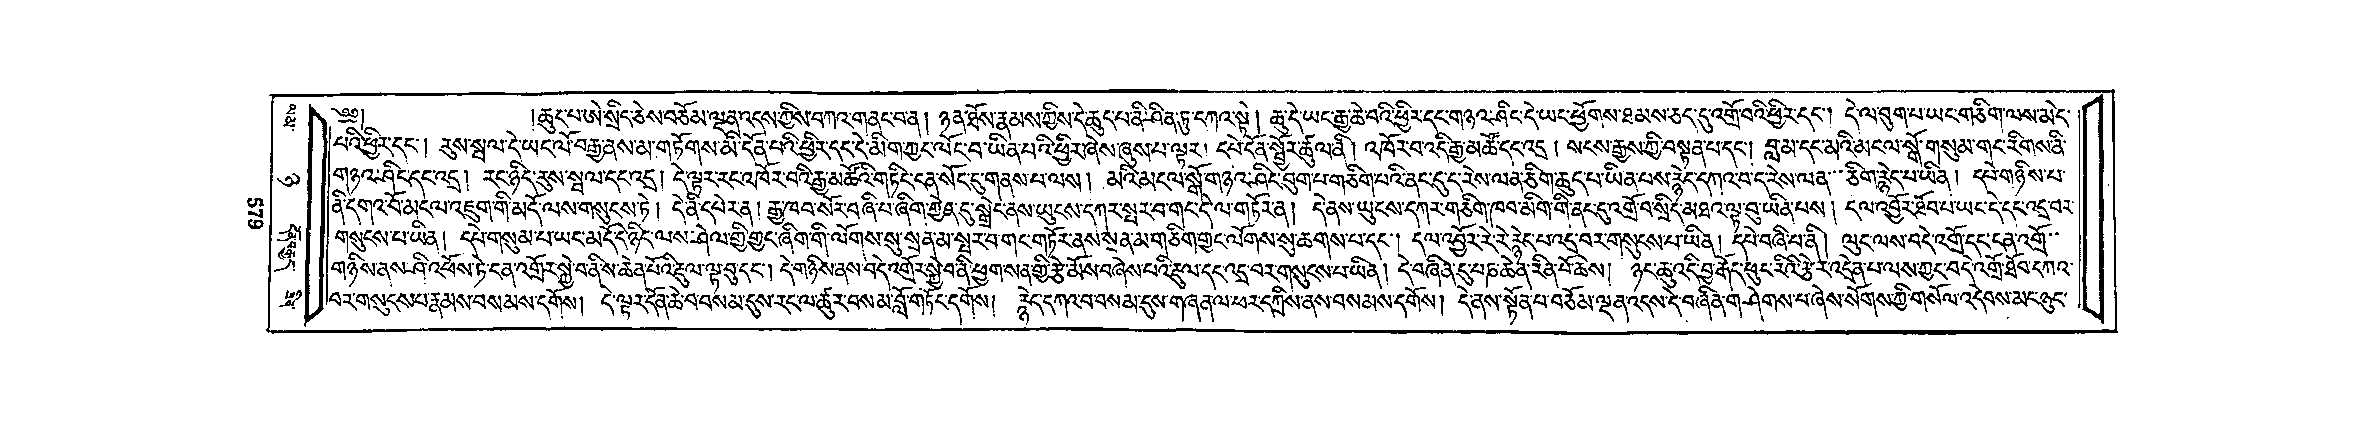༄༅། །ཆུང་པ་ཨེ་སྲིད་ཅེས་བཅོམ་ལྡན་འདས་ཀྱིས་བཀའ་གནང་བ་ན། ཉན་ཐོས་རྣམས་ཀྱིས་དེ་ཆུང་བ་ནི་ཤིན་ཏུ་དཀའ་སྟེ། ཆུ་དེ་ཡང་རྒྱ་ཆེ་བའི་ཕྱིར་དང་གཉའ་ཤིང་དེ་ཡང་ཕྱོགས་ཐམས་ཅད་དུ་འགྲོ་བའི་ཕྱིར་དང་། དེ་ལ་བུག་པ་ཡང་གཅིག་ལས་མེད་
པའི་ཕྱིར་དང་། རུས་སྦལ་དེ་ཡང་ལོ་བརྒྱ་ནས་མ་གཏོགས་མི་དོན་པའི་ཕྱིར་དང་དེ་མིག་ཀྱང་ལོང་བ་ཡིན་པའི་ཕྱིར་ཞེས་ཞུས་པ་ལྟར། དཔེ་དོན་སྦྱོར་ཚུལ་ནི། འཁོར་བ་འདི་རྒྱ་མཚོ་དང་འདྲ། སངས་རྒྱས་ཀྱི་བསྟན་པ་དང་། བླ་མ་དང་མའི་མངལ་སྒོ་གསུམ་གང་རིགས་ནི་
གཉའ་ཤིང་དང་འདྲ། རང་ཉིད་རུས་སྦལ་དང་འདྲ། དེ་ལྟར་རང་འཁོར་བའི་རྒྱ་མཚོའི་གཏིང་ངན་སོང་དུ་གནས་པ་ལས། མའི་མངལ་སྒོ་གཉའ་ཤིང་བུག་པ་གཅིག་པའི་ནང་དུ་ད་རེས་ལན་ཅིག་ཆུད་པ་ཡིན་པས་རྙེད་དཀའ་བ་ད་རེས་ལན་ཅིག་རྙེད་པ་ཡིན། དཔེ་གཉིས་པ་
ནི་དགའ་བོ་མངལ་འཇུག་གི་མདོ་ལས་གསུངས་ཏེ། དེ་ནི་དཔེར་ན། རྒྱ་ཁབ་སོར་བཞི་པ་ཞིག་གྱེན་དུ་སྒྲེང་ནས་ཡུངས་དཀར་སྤར་བ་གང་དེ་ལ་གཏོར་ན། དེ་ནས་ཡུངས་དཀར་གཅིག་ཁབ་མིག་གི་ནང་དུ་འགྲོ་བ་སྲིད་མཐའ་ལྟ་བུ་ཡིན་པས། དལ་འབྱོར་ཐོབ་པ་ཡང་དེ་དང་འདྲ་བར་
གསུངས་པ་ཡིན། དཔེ་གསུམ་པ་ཡང་མདོ་དེ་ཉིད་ལས་ཤེལ་གྱི་གྱང་ཞིག་གི་ལོགས་སུ་སྲན་མ་སྤར་བ་གང་གཏོར་ནས་སྲན་མ་གཅིག་གྱང་ལོགས་སུ་ཆགས་པ་དང་། དལ་འབྱོར་རེ་རེ་རྙེད་པ་འདྲ་བར་གསུངས་པ་ཡིན། དཔེ་བཞི་པ་ནི། ལུང་ལས་བདེ་འགྲོ་དང་ངན་འགྲོ་
གཉིས་ནས་ཤི་འཕོས་ཏེ་ངན་འགྲོར་སྐྱེ་བ་ནི་ས་ཆེན་པོའི་རྡུལ་ལྟ་བུ་དང་། དེ་གཉིས་ནས་བདེ་འགྲོར་སྐྱེ་བ་ནི་ཕྱག་སན་གྱི་རྩེ་མོས་བཞེས་པའི་རྡུལ་དང་འདྲ་བར་གསུངས་པ་ཡིན། དེ་བཞིན་དུ་པཎ་ཆེན་རིན་པོ་ཆེས། ཉང་ཆུ་འདི་བྱ་རྒོད་ཕུང་རིའི་རྩེར་འདྲེན་པ་ལས་ཀྱང་བདེ་འགྲོ་ཐོབ་དཀའ་
བར་གསུངས་པ་རྣམས་བསམས་དགོས། དེ་ལྟར་དོན་ཆེ་བ་བསམ་དུས་རང་ལ་ཚུར་བསམ་བློ་གཏོང་དགོས། རྙེད་དཀའ་བ་བསམ་དུས་གཞན་ལ་ཕར་དཀྲིས་ནས་བསམས་དགོས། དེ་ནས་སྟོན་པ་བཅོམ་ལྡན་འདས་དེ་བཞིན་གཤེགས་པ་ཞེས་སོགས་ཀྱི་གསོལ་འདེབས་མང་ཉུང་